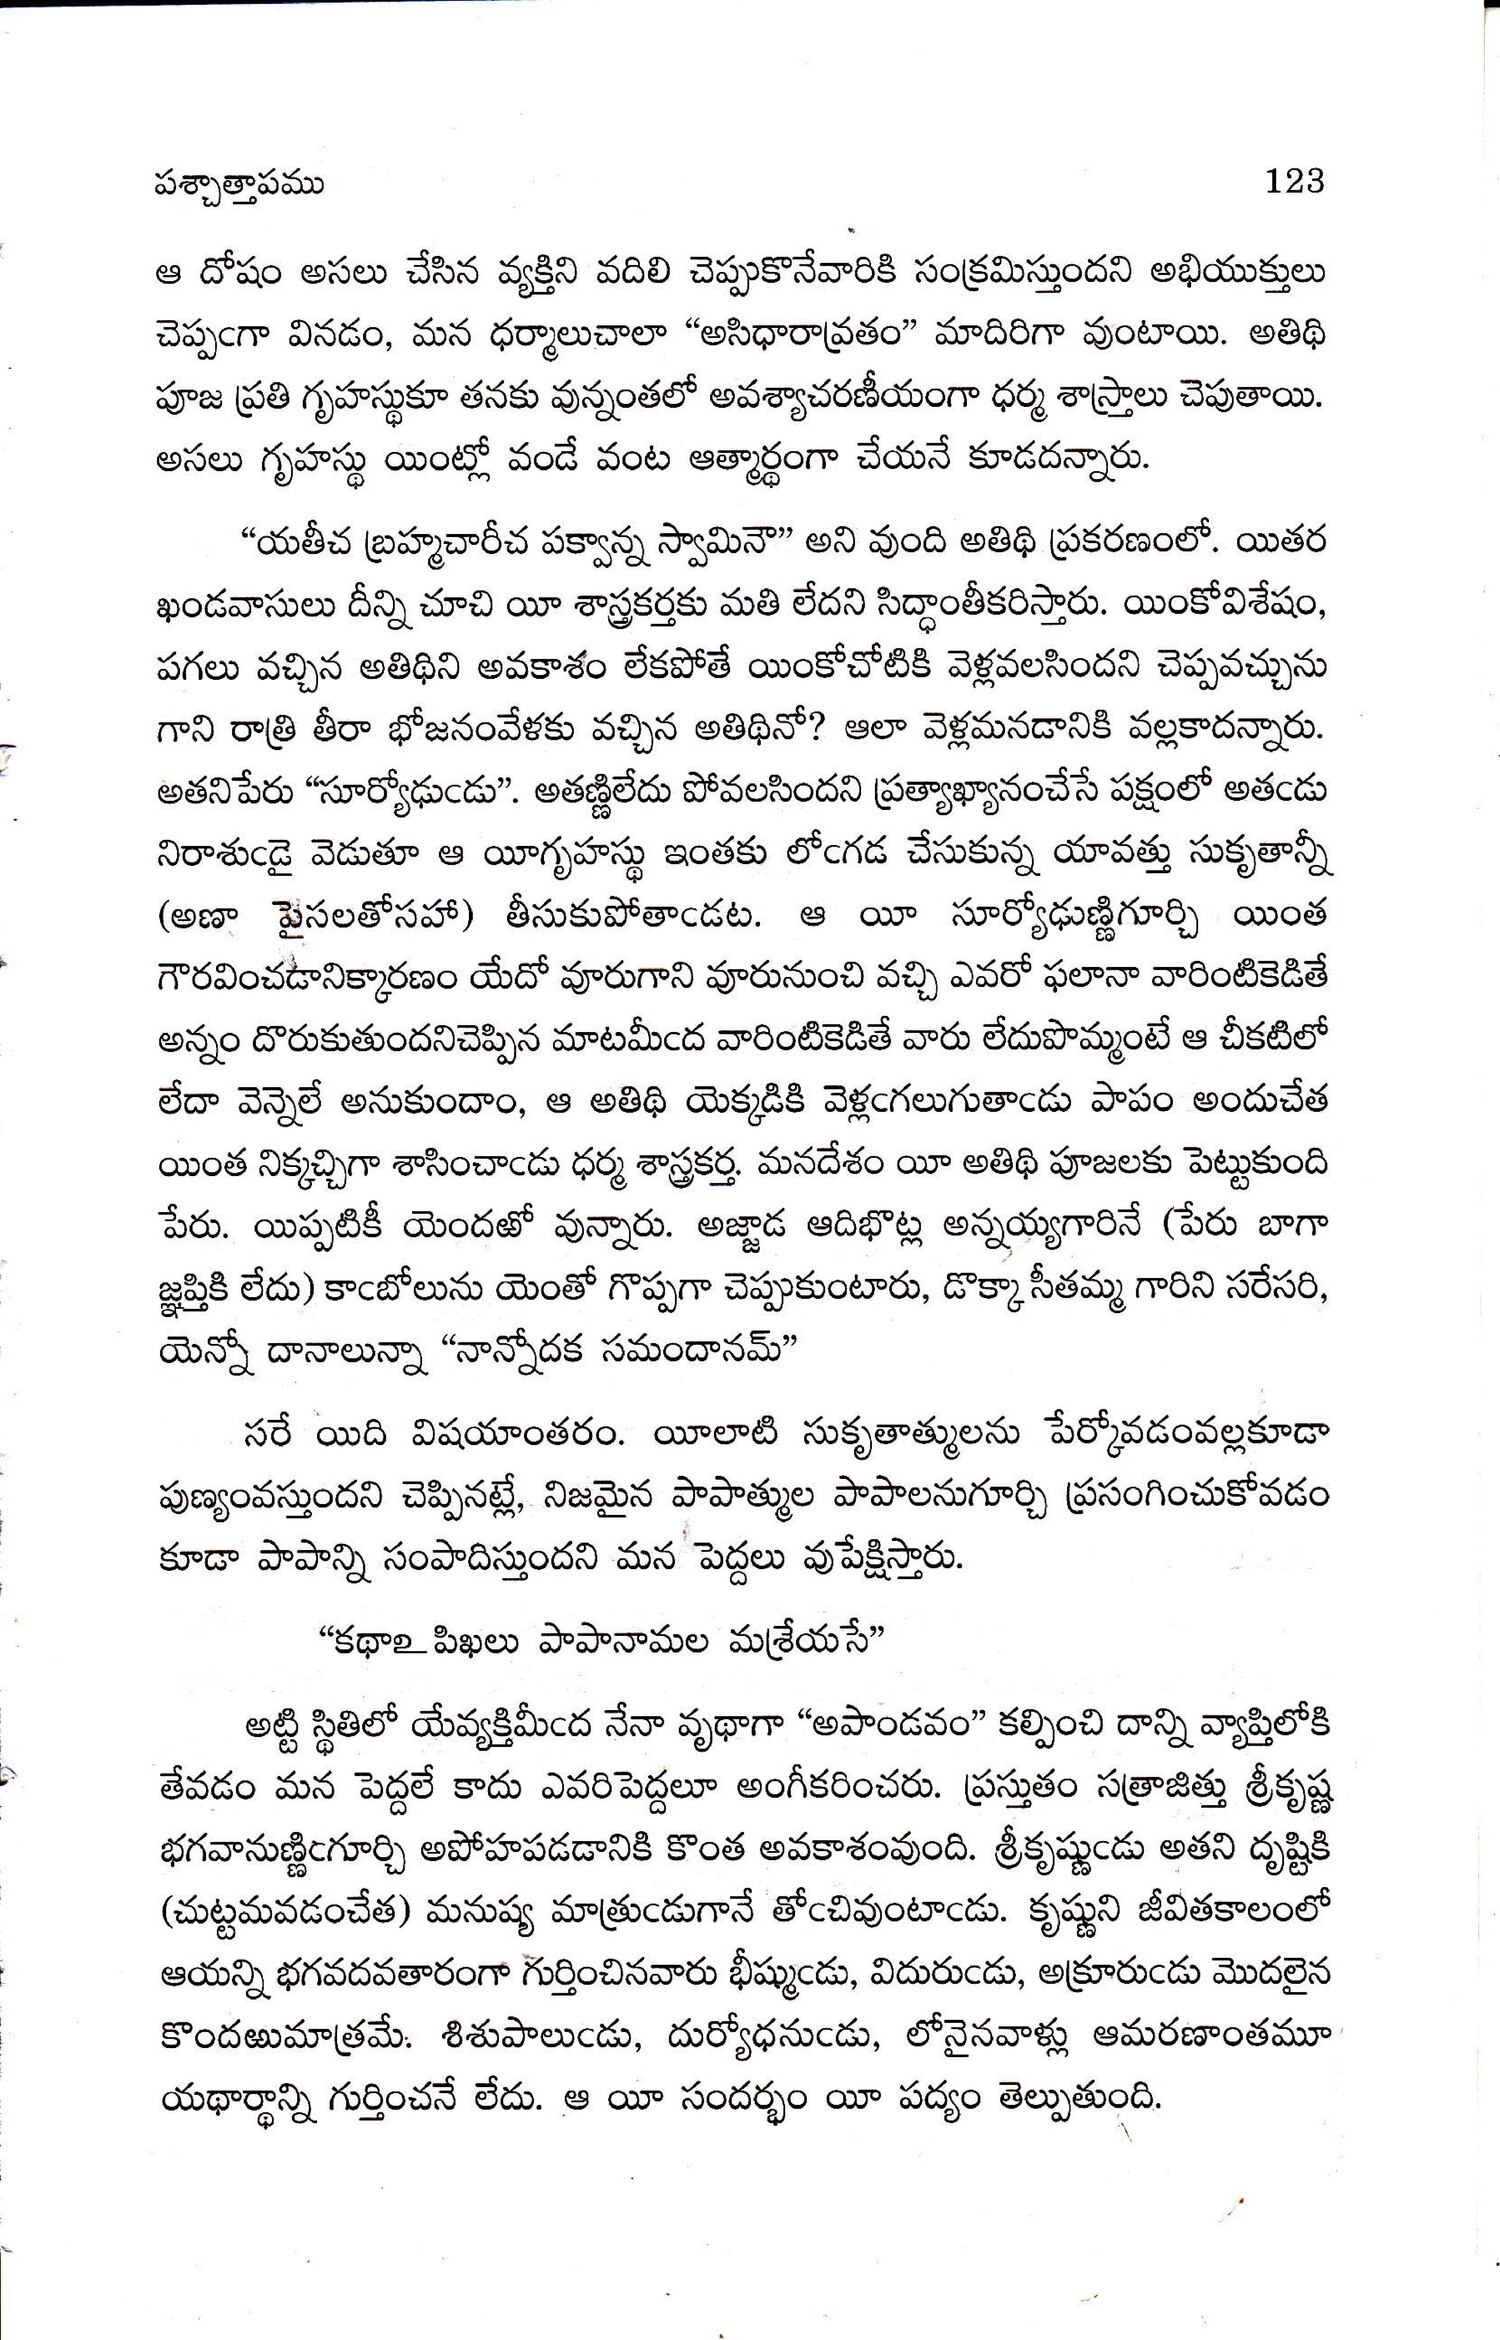ఆ దోషం అసలు చేసిన వ్యక్తిని వదిలి చెప్పకొనేవారికి సంక్రమిస్తుందని అభియుక్తులు చెప్పఁగా వినడం, మన ధర్మాలుచాలా “అసిధారావ్రతం" మాదిరిగా వుంటాయి. అతిథి పూజ ప్రతి గృహస్టుకూ తనకు వున్నంతలో అవశ్యాచరణీయంగా ధర్మశాస్రాలు చెపుతాయి. అసలు గృహస్టు యింట్లో వండే వంట ఆత్మార్థంగా చేయనే కూడదన్నారు.

“యతీచ బ్రహ్మచారీచ పక్వాన్న స్వామినౌ" అని వుంది అతిథి ప్రకరణంలో, యితర ఖండవాసులు దీన్ని చూచి యీ శాస్త్రకర్తకు మతి లేదని సిద్ధాంతీకరిస్తారు. యింకోవిశేషం, పగలు వచ్చిన అతిథిని అవకాశం లేకపోతే యింకోచోటికి వెళ్లవలసిందని చెప్పవచ్చును గాని రాత్రి తీరా భోజనంవేళకు వచ్చిన అతిథినో? ఆలా వెళ్లమనడానికి వల్లకాదన్నారు. అతనిపేరు "సూర్యోధుండు". అతణ్ణిలేదు పోవలసిందని ప్రత్యాఖ్యానంచేసే పక్షంలో అతఁడు నిరాశుండై వెడుతూ ఆ యీగృహస్టు ఇంతకు లోCగడ చేసుకున్న యావత్తు సుకృతాన్నీ (అణా పైసలతోసహా) తీసుకుపోతాండట. ఆ యీ సూర్యోధుణ్ణి గూర్చి యింత గౌరవించడానిక్కారణం యేదో వూరుగాని వూరునుంచి వచ్చి ఎవరో ఫలానా వారింటికెడితే అన్నం దొరుకుతుందనిచెప్పిన మాటమీఁద వారింటికెడితే వారు లేదుపొమ్మంటే ఆ చీకటిలో లేదా వెన్నెలే అనుకుందాం, ఆ అతిథి యొక్కడికి వెళ్లంగలుగుతాండు పాపం అందుచేత యింత నిక్కచ్చిగా శాసించాండు ధర్మ శాస్త్రకర్త. మనదేశం యీ అతిథి పూజలకు పెట్టుకుంది పేరు. యిప్పటికీ యెందటో వున్నారు. అజ్ఞాడ ఆదిభోట్ల అన్నయ్యగారినే (పేరు బాగా జ్ఞప్తికి లేదు) కాంబోలును యెంతో గొప్పగా చెప్పకుంటారు, డొక్కాసీతమ్మగారిని సరేసరి, యెన్నో దానాలున్నా "నాన్నోదక సమందానమ్”

సరే యిది విషయాంతరం. యీలాటి సుకృతాత్ములను పేర్కోవడంవల్లకూడా పుణ్యంవస్తుందని చెప్పినట్లే, నిజమైన పాపాత్ముల పాపాలనుగూర్చి ప్రసంగించుకోవడం కూడా పాపాన్ని సంపాదిస్తుందని మన పెద్దలు వుపేక్షిస్తారు.

“కథా@_పిఖలు పాపానామల మత్రేయసే”

అట్టి స్థితిలో యేవ్యక్తిమీంద నేనా వృథాగా "అపాండవం" కల్పించి దాన్ని వ్యాప్తిలోకి తేవడం మన పెద్దలే కాదు ఎవరిపెద్దలూ అంగీకరించరు. ప్రస్తుతం సత్రాజిత్తు శ్రీకృష్ణ భగవానుడ్డింగూర్చి అపోహపడడానికి కొంత అవకాశంవుంది. శ్రీకృష్ణుండు అతని దృష్టికి (చుట్టమవడంచేత) మనుష్య మాత్రుండుగానే తోcచివుంటాండు. కృపుని జీవితకాలంలో ఆయన్ని భగవదవతారంగా గుర్తించినవారు భీష్మండు, విదురుండు, అక్రూరుండు మొదలైన కొందఱుమాత్రమే. శిశుపాలుండు, దుర్యోధనుండు, లోనైనవాళ్లు ఆమరణాంతమూ యథార్థాన్ని గుర్తించనే లేదు. ఆ యీ సందర్భం యీ పద్యం తెల్పుతుంది.